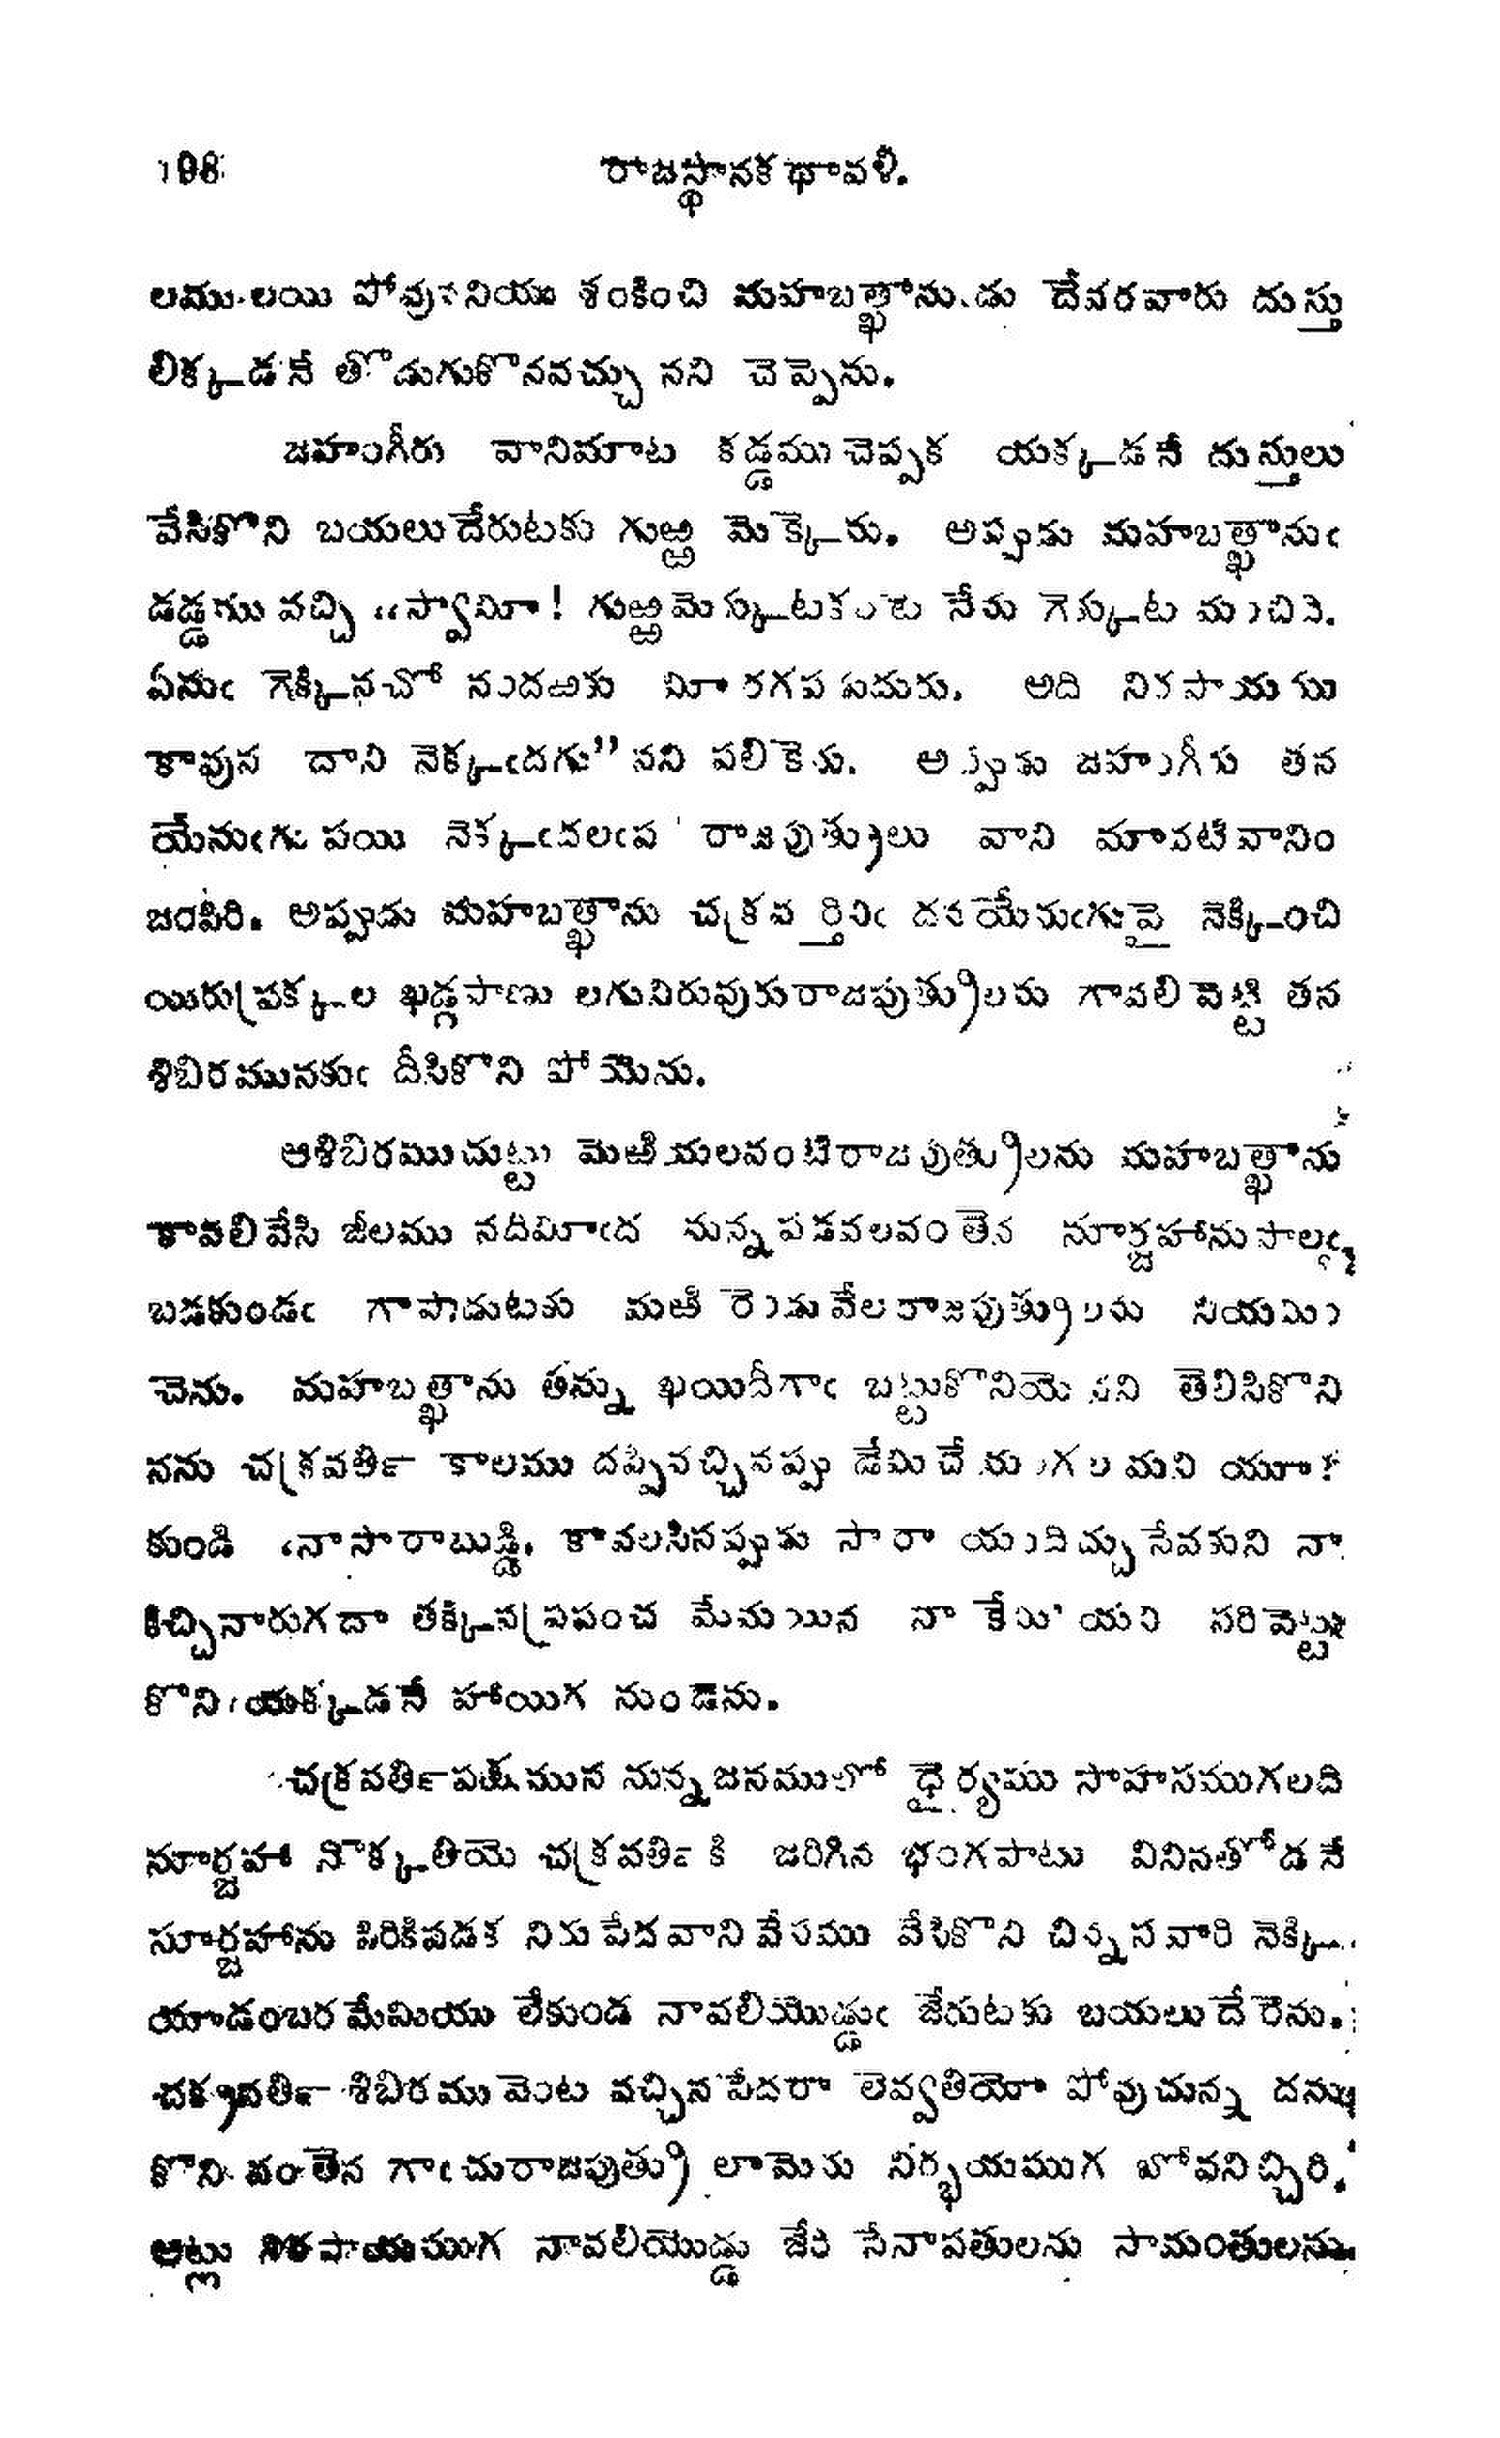లములయి పోవు ననియు శంకించి మహబత్ఖానుఁడు దేవర వారు దుస్తు లిక్కడ నే తొడుగుకొనవచ్చునని చెప్పెను.

జహంగీరు వానిమాట కడ్డము చెప్పక యక్కడనే దుస్తులు వేసికొని బయలు దేరుటకు గుఱ్ఱ మెక్కెను. అప్పుడు మహబత్ఖానుఁ డడ్డము వచ్చి "స్వామీ ! గుఱ్ఱమెక్కుటకంటే నేను గెక్కుట మంచిది. ఏనుఁ గెక్కినచో నందఱకు మీరగపడుదురు. అది నిరపాయము కావున దాని నెక్కఁదగు " నని పలికెను. అప్పుడు జహంగీరు తన యేనుఁగు పయి నెక్కఁదలఁప రాజ పుత్రులు వాని మావటి వానిం జంపిరి. అప్పుడు మహబత్ఖాను చక్రవర్తిని దన యేనుఁగు పై నెక్కించి యిరుప్రక్కల ఖడ్గపాణులగు నిరువుకు రాజపుత్రులను గావలి పెట్టి తన శిబిరమునకుఁ దీనికోని పోయెను.

ఆశిబిరము చుట్టు మెఱియల వంటి రాజ పుత్రులను మహబత్ఖాను కావలి వేసి జీలము నదిమీఁద నున్న పడవలవంతెన నూర్జహాను పాలఁ
బడకుండఁ గాపాడుటకు మఱి రెండు వేల రాజపుత్రులను నియమించెను. మహబత్ఖాను తన్ను ఖయిదీ గాఁ బట్టుకొనియెనని తెలిసికొని
నను చక్రవతి౯ కాలము దప్పివచ్చినప్పు డేమి చేయఁ గల మని యూరకుండి 'నాసారాబుడ్డి, కావలసినప్పుడు సారా యందిచ్చు సేవకుని నా కిచ్చినారుగదా తక్కిన ప్రపంచ మేమయిన నాకేమి' యని సరిపెట్టుకొని యక్కడనే హాయిగ నుండెను.

చక్రవతి౯ పక్షమున నున్న జనములో ధైర్యము సాహసముగలది నూర్జహా నొక్కతియె చక్రవతి౯ కి జరిగిన భంగపాటు వినినతోడనే
నూర్జహాను పిరికిపడక నిరుపేదవాని వేసము వేసికొని చిన్న సవారి నెక్కి యాడంబర మేమియు లేకుండ నావలియొడ్డుఁ జేరుటకు బయలు దేరెను. చక్రవతి౯ శిబిరము వెంట వచ్చిన పేదరా లెవ్వతియో పోవుచున్న దనుకొని వంతెన గాఁచురాజపుత్రు లామెను నిర్బయముగ బోవనిచ్చిరి.' అట్లు నిరపాయముగ నావలియొడ్డు జేరి సేనాపతులను సామంతులను